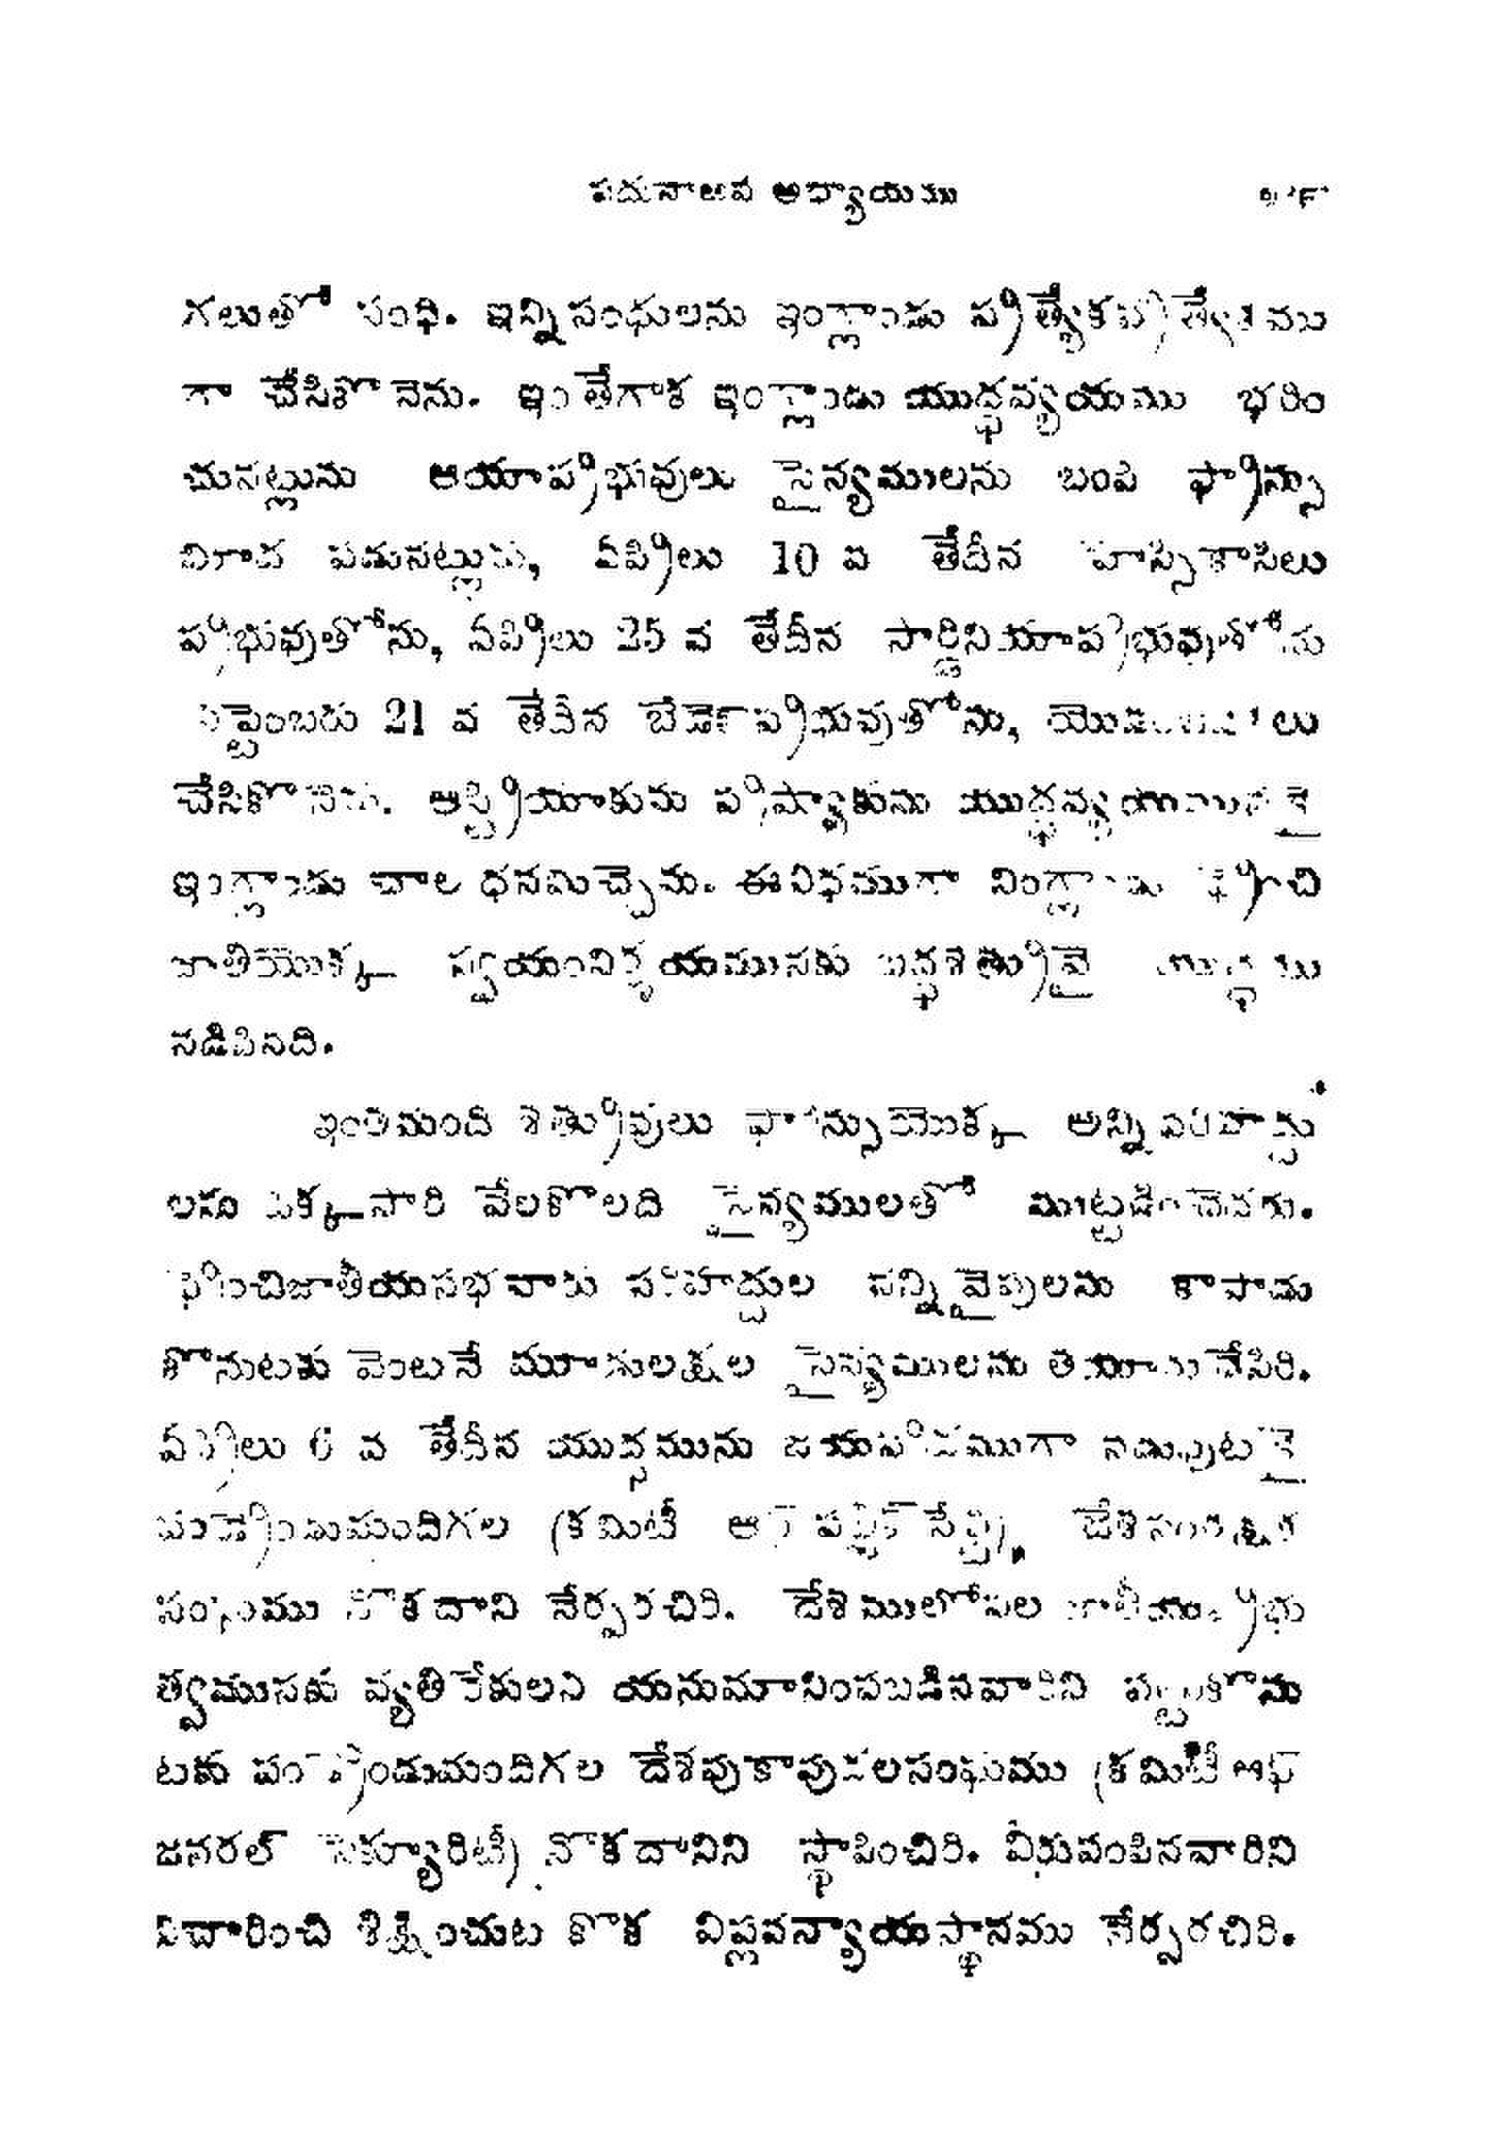గలుతో సంథి. ఇన్ని సంధులను ఇంగ్లాడు ప్రత్యేకముగా
చేసికొనెను. ఇంతేగాక ఇంగ్లాడు యుద్ధవ్యయము భరిం
చునట్లును ఆయాప్రభువులు సైన్యములను బంపి ఫ్రాస్సు
మీద పడునట్లును, ఏప్రిలు 10 ఏ తేదీన 'హస్సి కాసిలు
ప్రభువుతోను, ఏప్రిలు 25 వ తేదీన సార్డినియాప్రభుత్వము తోసు
సెప్టెంబరు 21 వ తేదీన 'బే డెన్ ప్రభువుతోసు, యొడంబడికలు
చేసికొనెను. ఆస్ట్రియాకును ప్రష్యాకును యుద్ధ వ్యయమునకై
ఇంగ్లాండు చాల ధనమిచ్చెను. ఈ విధముగా నింగ్లాండు ఫ్రెంచి
జాతి యొక్క స్వయంనిర్ణయమునకు బద్ద శత్రు వై యుద్ధము నడిపినది.

ఇంత మంది శత్రువులు ఫాస్సు యొక్క అన్ని సరి హద్దులను
ఒక్కసారి వేలకొలది సైన్యములతో ముట్టడించెదరు..
ఫ్రెంచి జాతీయసభవారు సరిహద్దుల నన్ని వైపులను కాపాడు
కొనుటకు వెంటనే మూడు లక్షల సైన్యములను తయారు చేసిరి.
ఏప్రిలు 6 వ తేదీన యుద్ధమును జయప్రథమముగా సడుపుటకై .
పండ్రెండు మందిగల (కమిటీ ఆఫ్ పబ్లిక్ సేప్టి). దేశ సంరక్షణ
సంఘము నొక దానిని నేర్పరచిరి. దేశములోపల జాతీయ ప్రభుత్వమునకు
వ్యతి రేకులని యనుమానిం పబడినవారిని పట్టుకొనుటకు 
పండ్రెండుమందిగల దేశపుకాపుదల సంఘము (కమిటీ ఆఫ్
జనరల్ సెక్యూరిటీ) నొక దానిని స్థాపించిరి. వీరు పంపిన వారిని
విచారించి శిక్షించుట కొక విప్లవ న్యాయస్థానము నేర్పరచిరి.